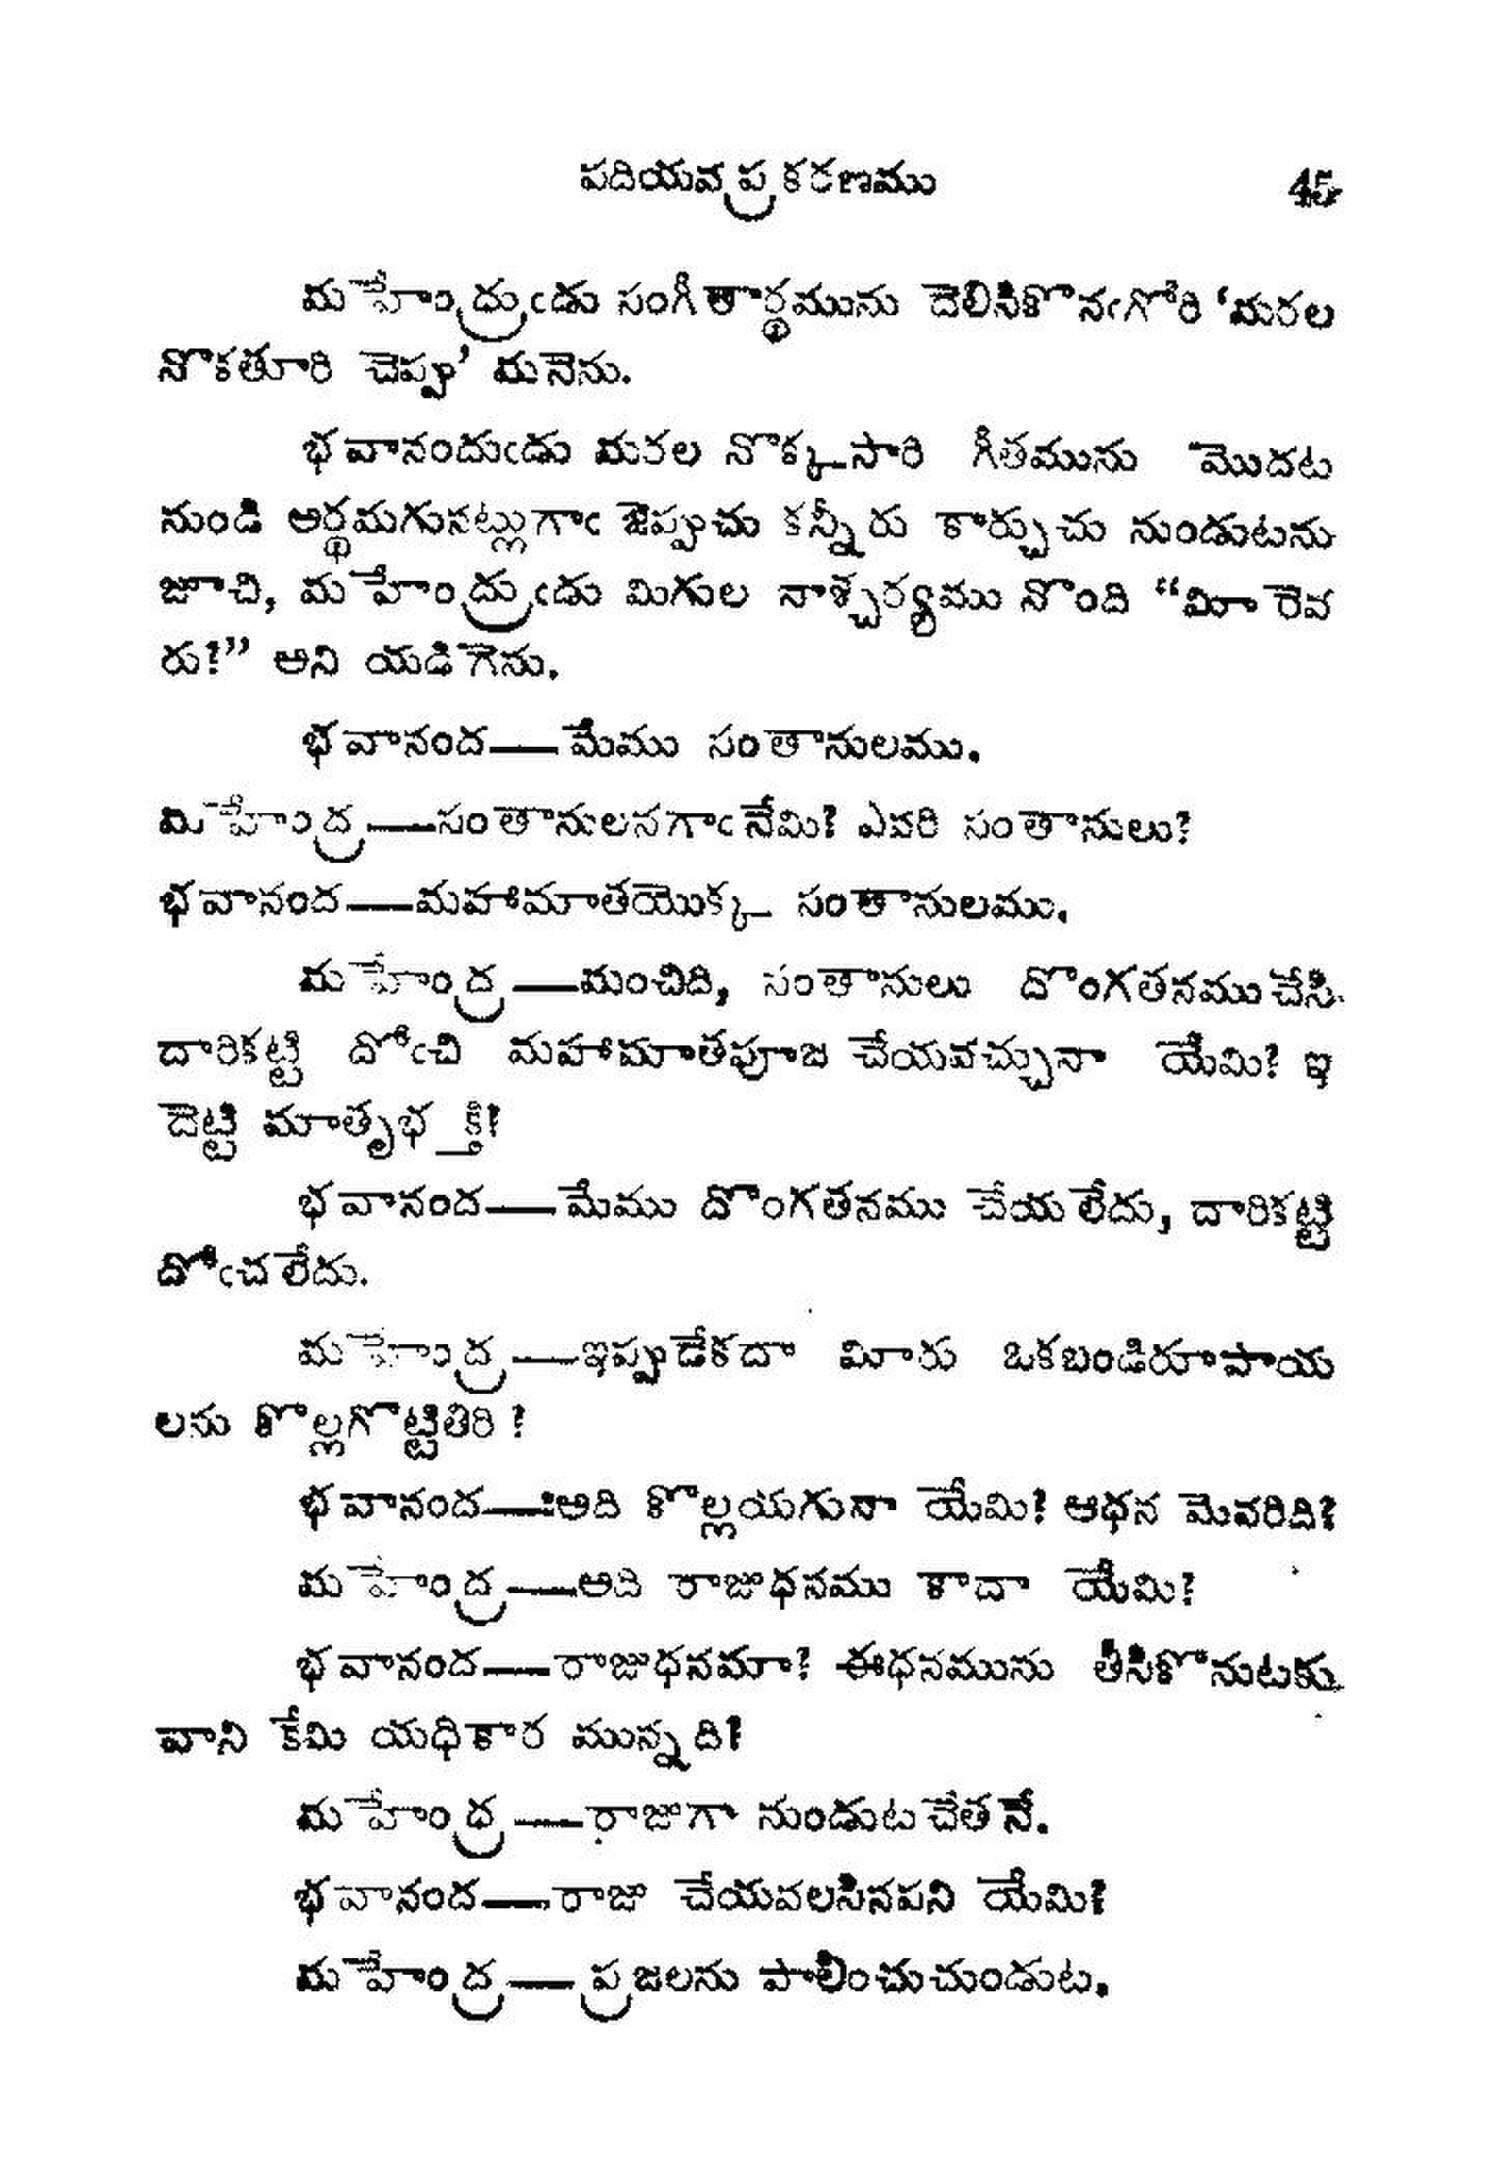మహేంద్రుఁడు సంగీతార్థమును దెలిసికొనఁగోరి 'మరల నొకతూరి చెప్పు' మనెను.

భవానందుఁడు మరల నొక్కసారి గీతమును మొదట నుండి అర్థమగునట్లుగాఁ జెప్పుచు కన్నీరు కార్చుచు నుండుటను జూచి, మహేంద్రుఁడు మిగుల నాశ్చర్యము నొంది “మీ రెవరు?" అని యడిగెను.

భవానంద—— మేము సంతానులము.

మహేంద్ర——సంతానులనగాఁ నేమి? ఎవరి సంతానులు?

భవానంద—— మహామాతయొక్క సంతానులము.

మహేంద్ర——మంచిది, సంతానులు దొంగతనము చేసి, దారికట్టి దోఁచి మహామాతపూజ చేయవచ్చునా యేమి? ఇదెట్టి మాతృభక్తి!

భవానంద—— మేము దొంగతనము చేయలేదు, దారికట్టి దోఁచలేదు.

మహేంద్ర —— ఇప్పుడేకదా మీరు ఒక బండిరూపాయలను కొల్లగొట్టితిరి !

భవానంద—— అది కొల్లయగునా యేమి? ఆధన మెవరిది?

మహేంద్ర——అది రాజు ధనము కాదా యేమి?

భవానంద——రాజుధనమా! ఈధనమును తీసికొనుటకు వాని కేమి యధికార మున్నది?

మహేంద్ర——రాజుగా నుండుట చేతనే.

భవానంద—— రాజు చేయవలసిన పని యేమి?

మహేంద్ర—— ప్రజలను పాలించుచుండుట.